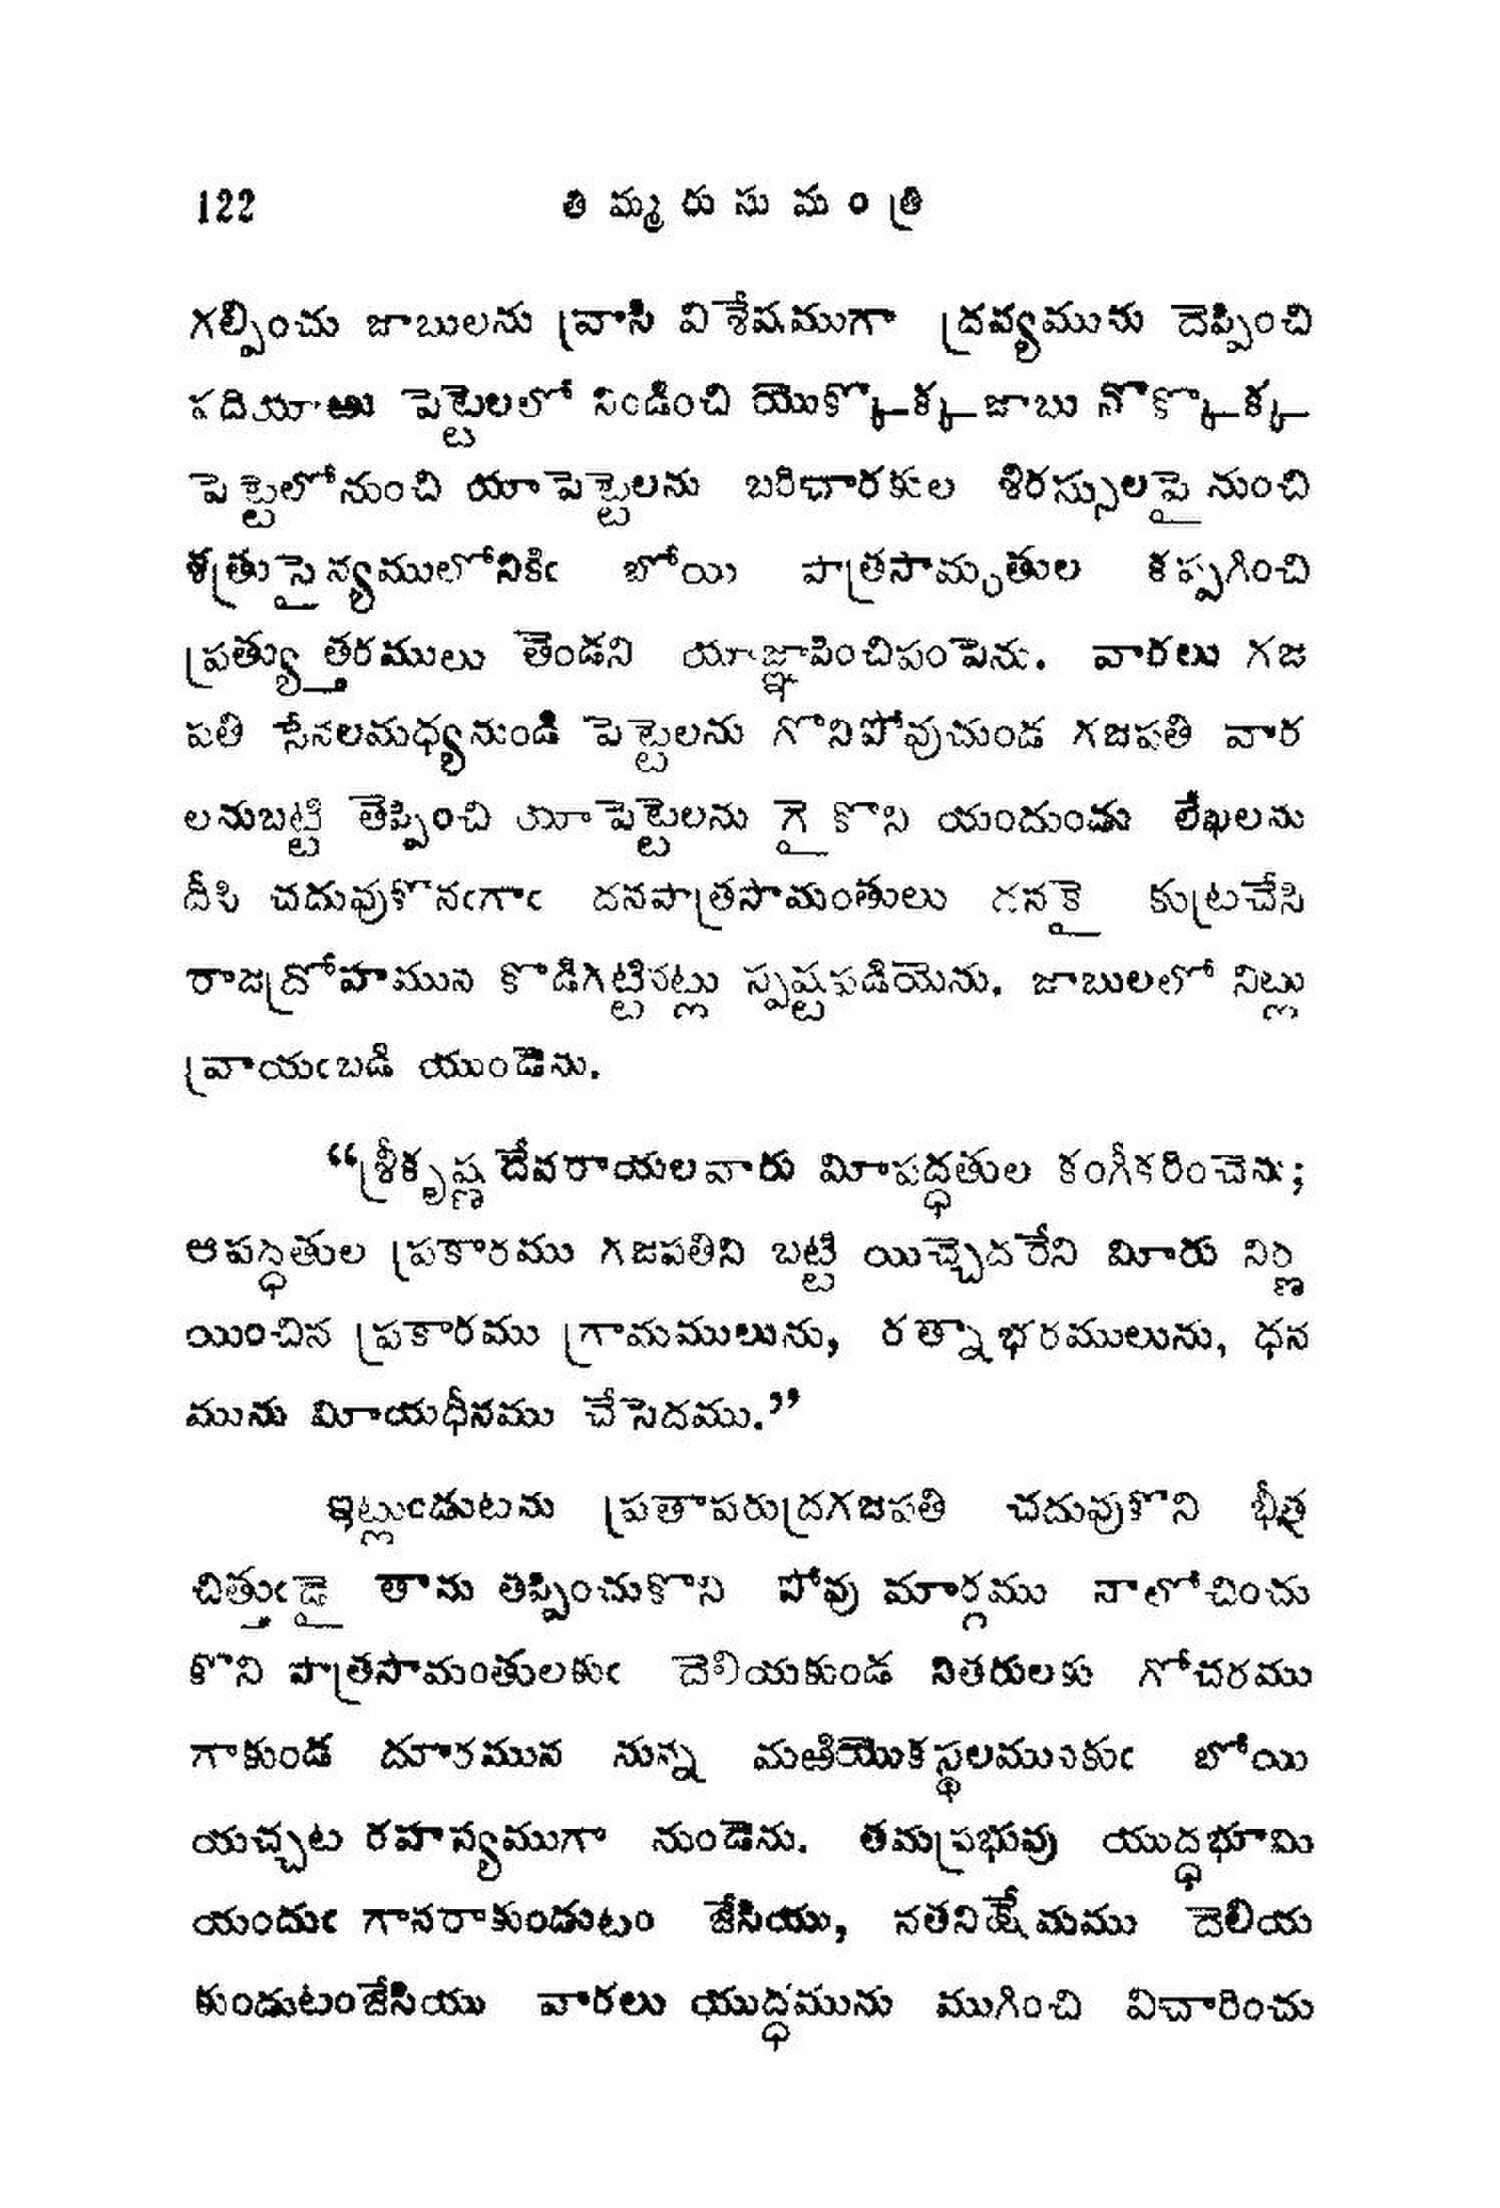గల్పించు జాబులను వ్రాసి విశేషముగా ద్రవ్యమును దెప్పించి పదియాఱు పెట్టెలలో నిండించి యొక్కొక్కజాబు నొక్కొక్క పెట్టలోనుంచి యాపెట్టెలను బరిచారకుల శిరస్సులపై నుంచి శత్రుసైన్యములోనికిఁ బోయి పాత్రసామంతుల కప్పగించి ప్రత్యుత్తరములు తెండని యజ్ఞాపించిపంపెను. వారలు గజపతి సేనలమధ్యనుండి పెట్టెలను గొనిపోవుచుండ గజపతి వారలనుబట్టి తెప్పించి యాపెట్టెలను గైకొని యందుండు లేఖలను దీసి చదువుకొనఁగాఁ దనపాత్రసామంతులు దనకై కుట్రచేసి రాజద్రోహమున కొడిగట్టినట్లు స్పష్టపడియెను, జాబులలో నిట్లు వ్రాయఁబడి యుండెను.

"శ్రీకృష్ణదేవరాయలవారు మీపద్ధతుల కంగీకరించెను; ఆపద్ధతుల ప్రకారము గజపతిని బట్టి యిచ్చెదరేని మీరు నిర్ణయించిన ప్రకారము గ్రామములును, రత్నాభరములును, ధనమును మీయధీనము చేసెదము."

ఇట్లుండుటను ప్రతాపరుద్రగజషతి చదువుకొని భీత చిత్తుఁడై తాను తప్పించుకొని పోవుమార్గము నాలోచించు కొని పాత్రసామంతులకుఁ దెలియకుండ నితరులకు గోచరము గాకుండ దూరమున నున్న మఱియొకస్థలమునకుఁ బోయి యచ్చట రహస్యముగా నుండెను. తమప్రభువు యుద్ధభూమి యందుఁ గానరాకుండుటం జేసియు, నతనిక్షేమము దెలియ కుండుటంజేసియు వారలు యుద్ధమును ముగించి విచారించు